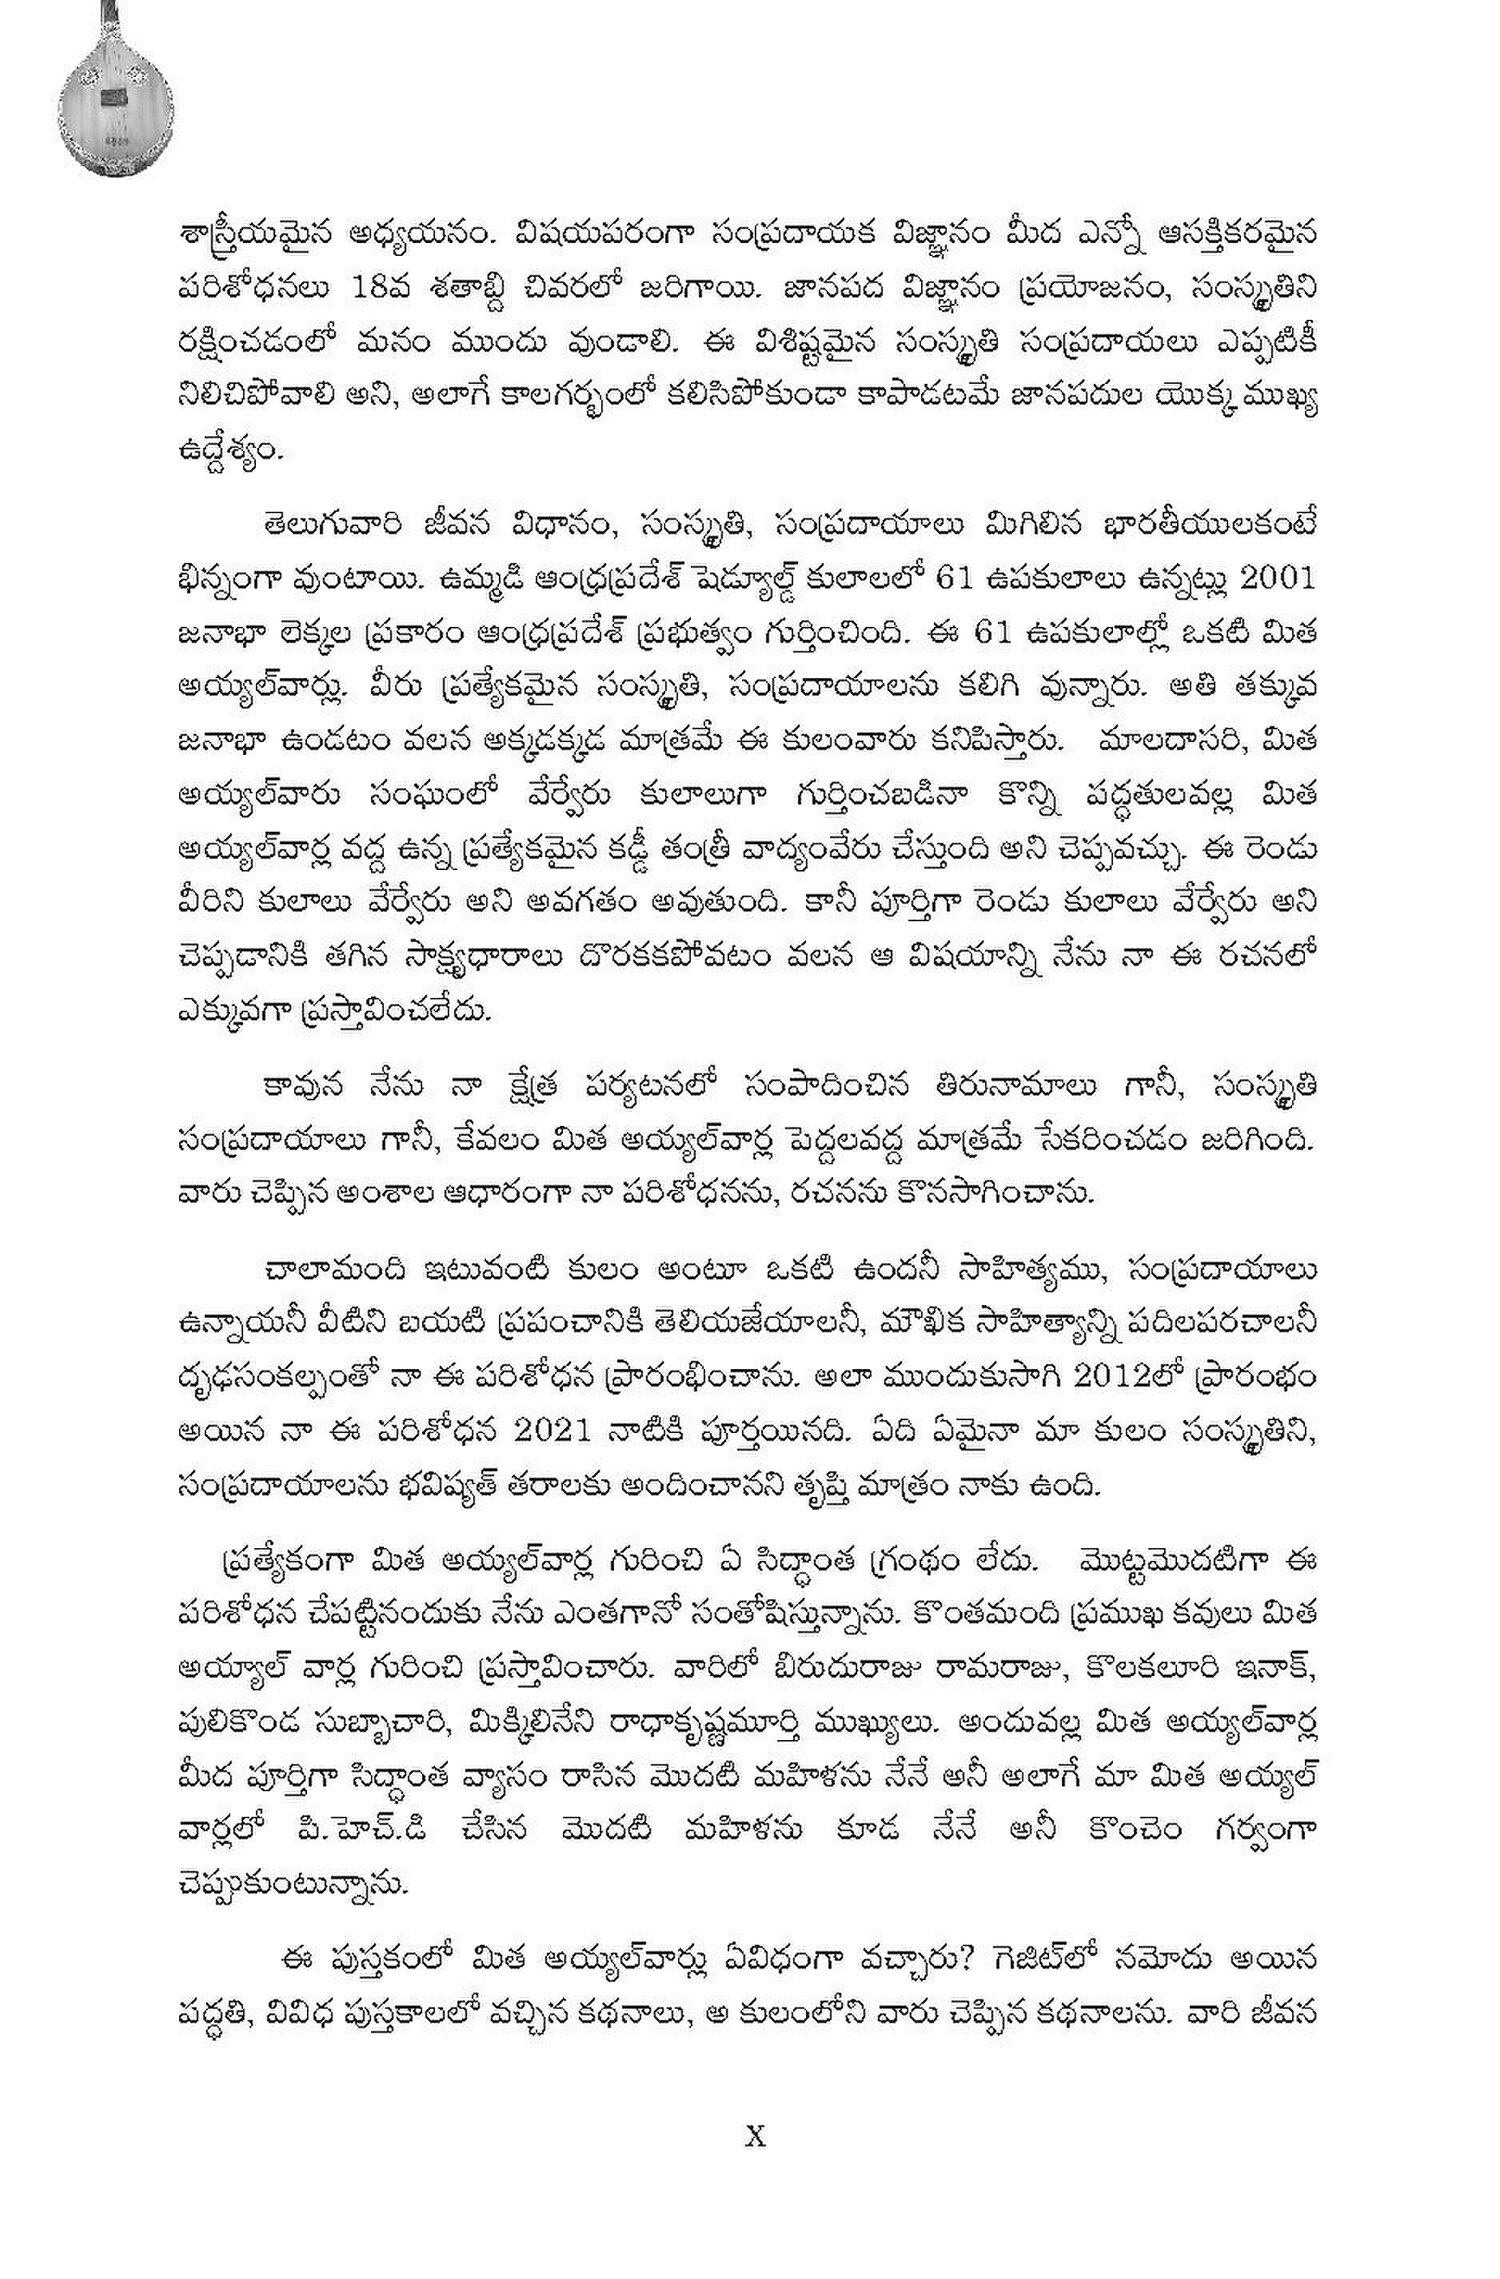శాస్త్రీయమైన అధ్యయనం. విషయపరంగా సంప్రదాయక విజ్ఞానం మీద ఎన్నో ఆసక్తికరమైన పరిశోధనలు 18వ శతాబ్ది చివరలో జరిగాయి. జానపద విజ్ఞానం ప్రయోజనం, సంస్కృతిని రక్షించడంలో మనం ముందు వుండాలి. ఈ విశిష్టమైన సంస్కృతి సంప్రదాయలు ఎప్పటికీ నిలిచిపోవాలి అని, అలాగే కాలగర్భంలో కలిసిపోకుండా కాపాడటమే జానపదుల యొక్క ముఖ్య ఉద్దేశ్యం.

తెలుగువారి జీవన విధానం, సంస్కృతి, సంప్రదాయాలు మిగిలిన భారతీయులకంటే భిన్నంగా వుంటాయి. ఉమ్మడి ఆంధ్రప్రదేశ్ షెడ్యూల్డ్ కులాలలో 61 ఉపకులాలు ఉన్నట్లు 2001 జనాభా లెక్కల ప్రకారం ఆంధ్రప్రదేశ్ ప్రభుత్వం గుర్తించింది. ఈ 61 ఉపకులాల్లో ఒకటి మిత అయ్యల్వార్లు. వీరు ప్రత్యేకమైన సంస్కృతి, సంప్రదాయాలను కలిగి వున్నారు. అతి తక్కువ జనాభా ఉండటం వలన అక్కడక్కడ మాత్రమే ఈ కులంవారు కనిపిస్తారు. మాలదాసరి, మిత
అయ్యల్వారు సంఘంలో వేర్వేరు కులాలుగా గుర్తించబడినా కొన్ని పద్ధతులవల్ల మిత అయ్యల్వార్ల వద్ద ఉన్న ప్రత్యేకమైన కడ్డీ తంత్రీ వాద్యంవేరు చేస్తుంది అని చెప్పవచ్చు. ఈ రెండు వీరిని కులాలు వేర్వేరు అని అవగతం అవుతుంది. కానీ పూర్తిగా రెండు కులాలు వేర్వేరు అని చెప్పడానికి తగిన సాక్ష్యాధారాలు దొరకకపోవటం వలన ఆ విషయాన్ని నేను నా ఈ రచనలో ఎక్కువగా ప్రస్తావించలేదు.

కావున నేను నా క్షేత్ర పర్యటనలో సంపాదించిన తిరునామాలు గానీ, సంస్కృతి సంప్రదాయాలు గానీ, కేవలం మిత అయ్యల్వార్ల పెద్దలవద్ద మాత్రమే సేకరించడం జరిగింది. వారు చెప్పిన అంశాల ఆధారంగా నా పరిశోధనను, రచనను కొనసాగించాను.

చాలామంది ఇటువంటి కులం అంటూ ఒకటి ఉందనీ సాహిత్యము, సంప్రదాయాలు ఉన్నాయనీ వీటిని బయటి ప్రపంచానికి తెలియజేయాలనీ, మౌఖిక సాహిత్యాన్ని పదిలపరచాలనీ దృఢసంకల్పంతో నా ఈ పరిశోధన ప్రారంభించాను. అలా ముందుకుసాగి 2012లో ప్రారంభం అయిన నా ఈ పరిశోధన 2021 నాటికి పూర్తయినది. ఏది ఏమైనా మా కులం సంస్కృతిని, సంప్రదాయాలను భవిష్యత్ తరాలకు అందించానని తృప్తి మాత్రం నాకు ఉంది.

ప్రత్యేకంగా మిత అయ్యల్వార్ల గురించి ఏ సిద్ధాంత గ్రంథం లేదు. మొట్టమొదటిగా ఈ పరిశోధన చేపట్టినందుకు నేను ఎంతగానో సంతోషిస్తున్నాను. కొంతమంది ప్రముఖ కవులు మిత అయ్యాల్ వార్ల గురించి ప్రస్తావించారు. వారిలో బిరుదురాజు రామరాజు, కొలకలూరి ఇనాక్, పులికొండ సుబ్బాచారి, మిక్కిలినేని రాధాకృష్ణమూర్తి ముఖ్యులు. అందువల్ల మిత అయ్యల్వార్ల మీద పూర్తిగా సిద్ధాంత వ్యాసం రాసిన మొదటి మహిళను నేనే అనీ అలాగే మా మిత అయ్యల్
వార్లలో పి.హెచ్.డి చేసిన మొదటి మహిళను కూడ నేనే అనీ కొంచెం గర్వంగా చెప్పుకుంటున్నాను.

ఈ పుస్తకంలో మిత అయ్యల్వార్లు ఏవిధంగా వచ్చారు? గెజిట్లో నమోదు అయిన పద్ధతి, వివిధ పుస్తకాలలో వచ్చిన కథనాలు, ఆ కులంలోని వారు చెప్పిన కథనాలను. వారి జీవన